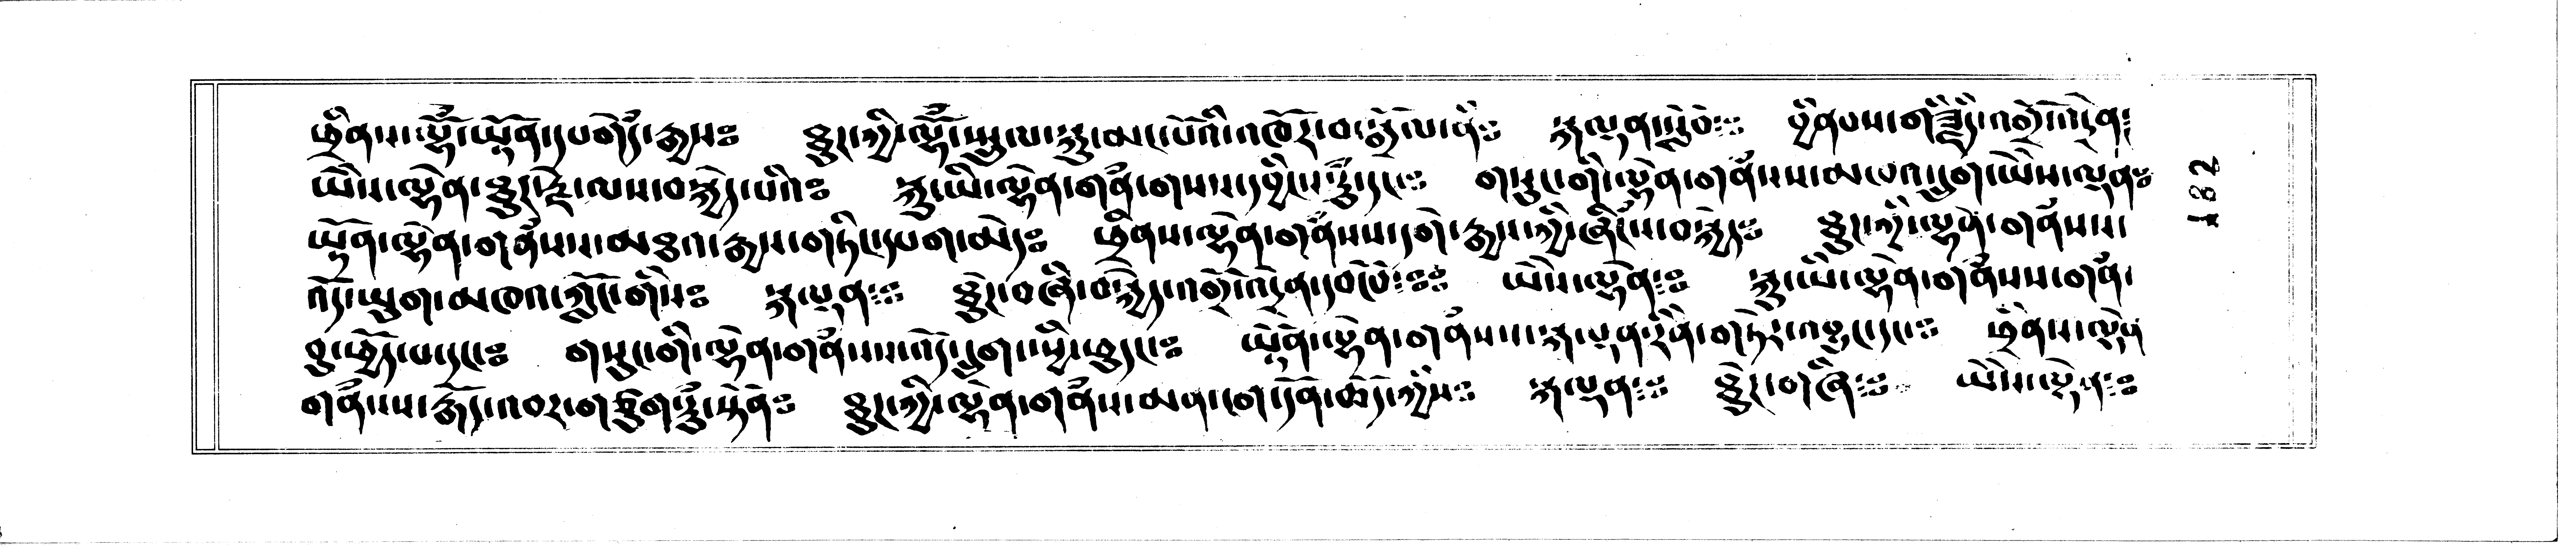ཕྲིན་ལས་ཀྱི་ལྷ་མོ་ཡོན་ཏན་དཔག་མེད་རྒྱསཿ ཐུགས་ཀྱི་ལྷ་མོ་སྤྲུལ་སྐུ་མང་པོས་འཁོར་བ་སྒྲོལཿ སྐལ་ལྡན་སློབ་མ་རྣམས་ལ་དབང་བསྐུར་བསཿ བྱིན་རླབས་གཟི་བརྗིད་འགྲོ་འདྲེན་
དབང་ཐོབ་ཤོགཿ ཡེ་ཤེས་ལྷ་ཆེན་ཐུགས་རྗེ་ལས་བསྐྱེད་པའིཿ སྐུ་ཡི་ལྷ་ཆེན་གནམ་གསས་དབྱིངས་རུམཿ གསུང་གི་ལྷ་ཆེན་གནམ་གསས་མཁའ་དྲུག་ཡེ་ཤེས་ལྡནཿ
 ཡོན་ཏན་ལྷ་ཆེན་གནམ་གསས་མཐའ་རྒྱས་གཏིང་དཔག་མེདཿ ཕྲིན་ལས་ལྷ་ཆེན་གནམ་གསས་དགེ་རྒྱས་ཞིང་ཁམས་བསྐྱེདཿ ཐུགས་ཀྱི་ལྷ་ཆེན་གནམ་གསས་
འོད་ཡུག་མཁའ་ཀློངཿ སྐལ་ལྡན་སློབ་མ་རྣམས་ལ་དབང་བསྐུར་བསཿ ཐུགས་རྗེ་བཞི་བསྐྱེད་འགྲོ་འདྲེན་དབང་ཐོབ་ཤོགཿ ཡེ་ཤེས་ལྷ་ཆེན་ཐུགས་རྗེ་ལས་བསྐྱེད་པའིཿ སྐུ་ཡི་ལྷ་ཆེན་གནམ་གསས་གནམ་
བུ་ཕྱོད་པཿ གསུང་གི་ལྷ་ཆེན་གནམ་གསས་འོད་དྲུག་སྤྱི་ཕུདཿ ཡོན་ཏན་གྱི་ལྷ་ཆེན་གནམ་གསས་སྐལ་ལྡན་རིན་ཆེན་གཏེར་འབྱུངཿ ཕྲིན་ལས་ཀྱི་ལྷ་ཆེན་
གནམ་གསས་དགེ་འབར་གཙུག་རུམ་སྟོནཿ ཐུགས་ཀྱི་ལྷ་ཆེན་གནམ་གསས་མན་ངག་དོན་ཆོད་ཀྱིསཿ ལ་ལྡན་སློབ་མ་རྣམས་ལ་དབང་བསྐུར་བསཿ ཐུགས་རྗེ་བཞི་བསྐྱེད་འགྲོ་འདྲེན་དབང་ཐོབ་ཤོགཿ ཡེ་ཤེས་ལྷ་ཆེན་ཐུགས་རྗེ་ལས་བསྐྱེད་པའིཿ